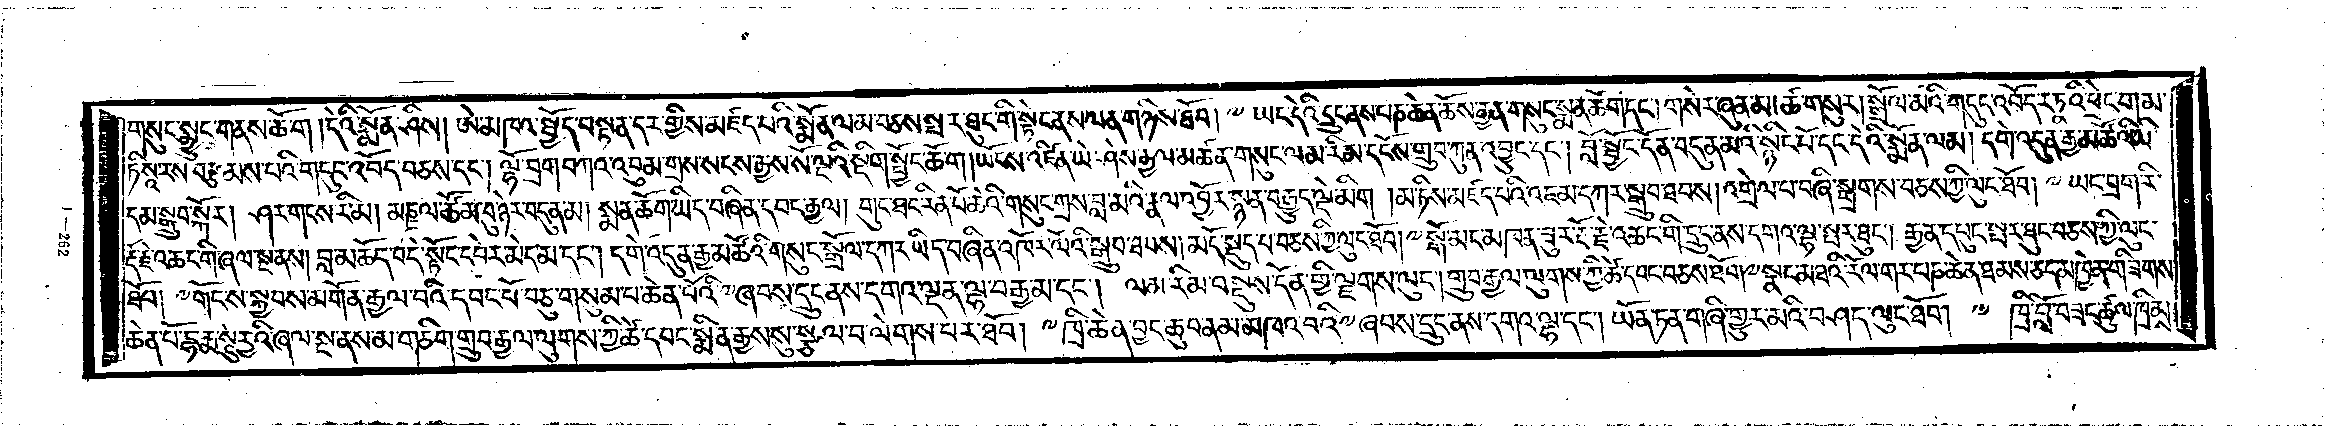གསུང་སྨྱུང་གནས་ཆོ་ག །དེའི་སྨོན་ཤིས། ཨེ་མཁའ་སྤྱོད་བསྟན་དར་གྱིས་མཛད་པའི་སྨོན་ལམ་བཅས་སྤར་ཐུང་གི་སྟེང་ནས་ལན་གཉིས་ཐོབ། ༧ཡང་དེའི་དྲུང་ནས་པཎ་ཆེན་ཆོས་རྒྱན་གསུང་སྨན་ཆོ་ག་དང་། གསེར་ཞུན་མ། ཚ་གསུར། སྒྲོལ་མའི་གདུང་འབོད་རཏྣའི་ཕྲེང་གམ་
ཏིསཱ་རས་བརྩམས་པའི་གདུང་འབོད་བཅས་དང་། ལྷོ་བྲག་བཀའ་འབུམ་གྲས་སངས་རྒྱས་སོ་ལྔའི་སྡིག་སྦྱོང་ཆོ་ག །ཡོངས་འཛིན་ཡེ་ཤེས་རྒྱལ་མཚན་གསུང་ལམ་རིམ་དངོས་གྲུབ་ཀུན་འབྱུང་དང་། བློ་སྦྱོང་དོན་བདུན་མའི་སྙིང་པོ་དང་དེའི་སྨོན་ལམ། དགེ་འདུན་རྒྱ་མཚོའི་ཡི་
དམ་སྒྲུབ་སྐོར། ཤར་གངས་རི་མ། མཎྜལ་ཚོམ་བུ་ཉེར་བདུན་མ། སྨན་ཆོག་ཡིད་བཞིན་དབང་རྒྱལ། གུང་ཐང་རིན་པོ་ཆེའི་གསུང་གྲས་བླ་མའི་རྣལ་འབྱོར་སྙན་བརྒྱུད་ལྡེ་མིག །མ་ཏིས་མཛད་པའི་འཇམ་དཀར་སྒྲུབ་ཐབས། འགྲེལ་པ་བཞི་སྒྲགས་བཅས་ཀྱི་ལུང་ཐོབ། ༧་ཡང་བྲག་རི་
རྡོ་རྗེ་འཆང་གི་ཞལ་སྔ་ནས། བླ་མཆོད་བདེ་སྟོང་དབེར་མེད་མ་དང་། དགེ་འདུན་རྒྱ་མཚོའི་གསུང་སྒྲོལ་དཀར་ཡིད་བཞིན་འཁོར་ལོའི་སྒྲུབ་ཐབས། མདོ་སྡུད་པ་བཅས་ཀྱི་ལུང་ཐོབ། ༧སྒོ་མང་མཁན་ཟུར་རྡོ་རྗེ་འཆང་གི་དྲུང་ནས་དགའ་ལྷ་སྤར་ཐུང་། རྒྱན་དཔུང་སྤར་ཐུང་བཅས་ཀྱི་ལུང་
ཐོབ། ༧གོང་ས་སྐྱབས་མགོན་རྒྱལ་བའི་དབང་པོ་བཅུ་གསུམ་པ་ཆེན་པོའི ༧ཞབས་དྲུང་ནས་དགའ་ལྡན་ལྷ་བརྒྱ་མ་དང་། ལམ་རིམ་བསྡུས་དོན་གྱི་ལྗགས་ལུང་། གྲུབ་རྒྱལ་ལུགས་ཀྱི་ཚེ་དབང་བཅས་ཐོག ༧སྣང་མཐའི་རོལ་གར་པཎ་ཆེན་ཐམས་ཅད་མཁྱེན་གཟིགས་
ཆེན་པོ་དྷརྨ་སེདུརྱའི་ཞལ་སྔ་ནས་མ་གཅིག་གྲུབ་རྒྱལ་ལུགས་ཀྱི་ཚེ་དབང་སྨིན་རྒྱས་སུ་སྩལ་བ་ལེགས་པར་ཐོབ། ༧ཁྲི་ཆེན་བྱང་ཆུབ་ནམ་མཁའ་བའི ༧ཞབས་དྲུང་ནས་དགའ་ལྷ་དང་། ཡོན་ཏན་གཞི་གྱུར་མའི་བཤད་ལུང་ཐོབ། ༧ཁྲི་བློ་བཟང་ཚུལ་ཁྲིམས་